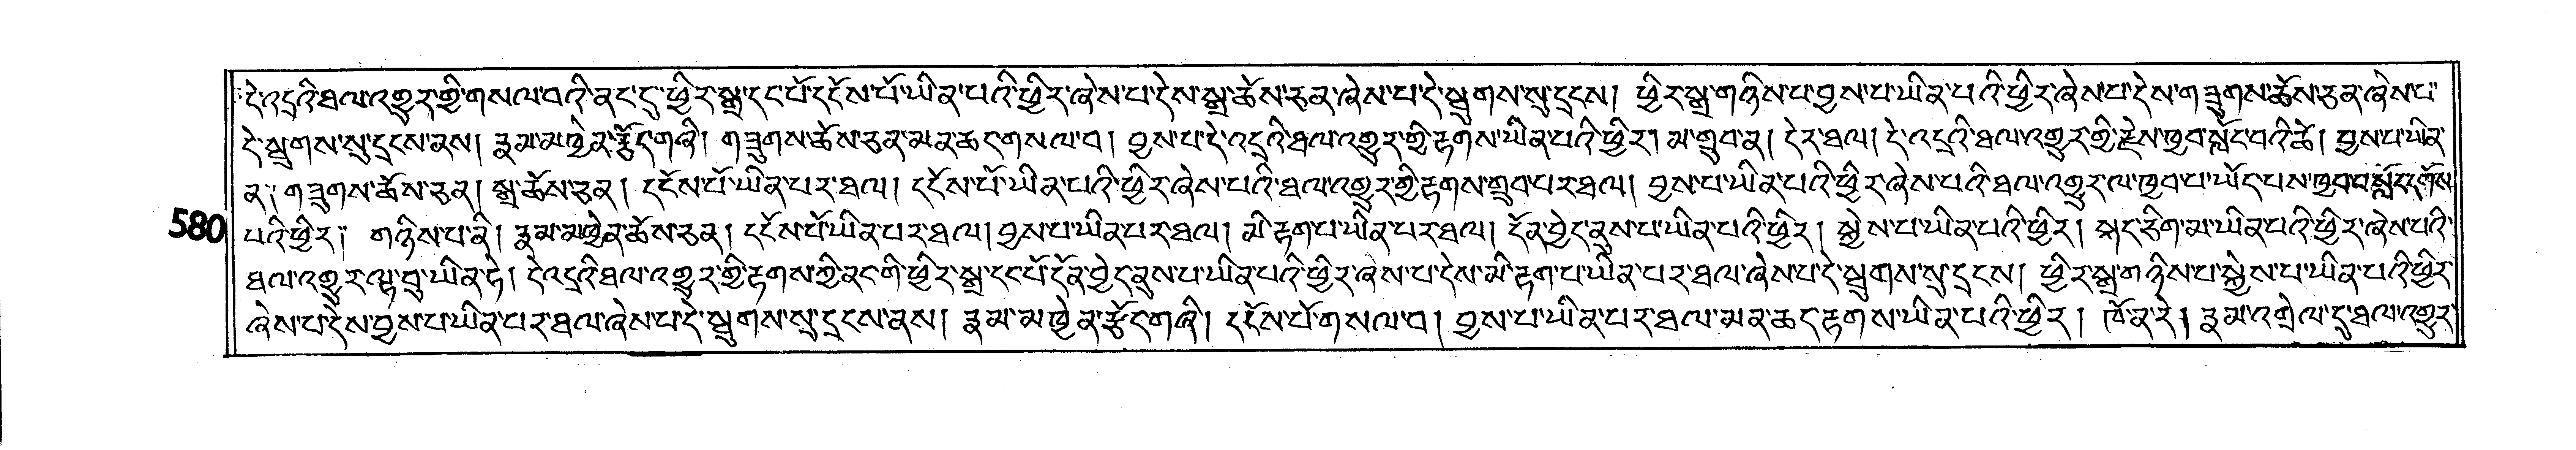དེ་འདྲའི་ཐལ་འགྱུར་གྱི་གསལ་བའི་ནང་དུ་ཕྱིར་སྒྲ་དང་པོ་དངོས་པོ་ཡིན་པའི་ཕྱིར་ཞེས་པ་དེས་སྒྲ་ཆོས་ཅན་ཞེས་པ་དེ་སྦུགས་སུ་དྲངས། ཕྱིར་སྒྲ་གཉིས་པ་བྱས་པ་ཡིན་པའི་ཕྱིར་ཞེས་པ་དེས་གཟུགས་ཆོས་ཅན་ཞེས་པ་
དེ་སྦུགས་སུ་དྲངས་ནས། རྣམ་མཁྱེན་རྩོད་གཞི། གཟུགས་ཆོས་ཅན་མན་ཆད་གསལ་བ། བྱས་པ་དེ་འདྲའི་ཐལ་འགྱུར་གྱི་རྟགས་ཡིན་པའི་ཕྱིར། མ་གྲུབ་ན། དེར་ཐལ། དེ་འདྲའི་ཐལ་འགྱུར་གྱི་རྗེས་ཁྱབ་སློང་བའི་ཚེ། བྱས་པ་ཡིན་
ན༑ གཟུགས་ཆོས་ཅན། སྒྲ་ཆོས་ཅན། དངོས་པོ་ཡིན་པར་ཐལ། དངོས་པོ་ཡིན་པའི་ཕྱིར་ཞེས་པའི་ཐལ་འགྱུར་གྱི་རྟགས་གྲུབ་པར་ཐལ། བྱས་པ་ཡིན་པའི་ཕྱིར་ཞེས་པའི་ཐལ་འགྱུར་ལ་ཁྱབ་པ་ཡོད་པས་ཁྱབ་བསློང་དགོས་
པའི་ཕྱིར༑ གཉིས་པ་ནི། རྣམ་མཁྱེན་ཆོས་ཅན། དངོས་པོ་ཡིན་པར་ཐལ། བྱས་པ་ཡིན་པར་ཐལ། མི་རྟག་པ་ཡིན་པར་ཐལ། དོན་བྱེད་ནུས་པ་ཡིན་པའི་ཕྱིར། སྐྱེས་པ་ཡིན་པའི་ཕྱིར། སྐད་ཅིག་མ་ཡིན་པའི་ཕྱིར་ཞེས་པའི་
ཐལ་འགྱུར་ལྟ་བུ་ཡིན་ཏེ། དེ་འདྲའི་ཐལ་འགྱུར་གྱི་རྟགས་ཀྱི་ནང་གི་ཕྱིར་སྒྲ་དང་པོ་དོན་བྱེད་ནུས་པ་ཡིན་པའི་ཕྱིར་ཞེས་པ་དེས་མི་རྟག་པ་ཡིན་པར་ཐལ། ཞེས་པ་དེ་སྦུགས་སུ་དྲངས། ཕྱིར་སྒྲ་གཉིས་པ་སྐྱེས་པ་ཡིན་པའི་ཕྱིར་
ཞེས་པ་དེས་བྱས་པ་ཡིན་པར་ཐལ་ཞེས་པ་དེ་སྦུགས་སུ་དྲངས་ནས། རྣམ་མཁྱེན་རྩོད་གཞི། དངོས་པོ་གསལ་བ། བྱས་པ་ཡིན་པར་ཐལ་མན་ཆད་རྟགས་ཡིན་པའི་ཕྱིར། ཁོ་ན་རེ། རྣམ་འགྲེལ་དུ་ཐལ་འགྱུར་